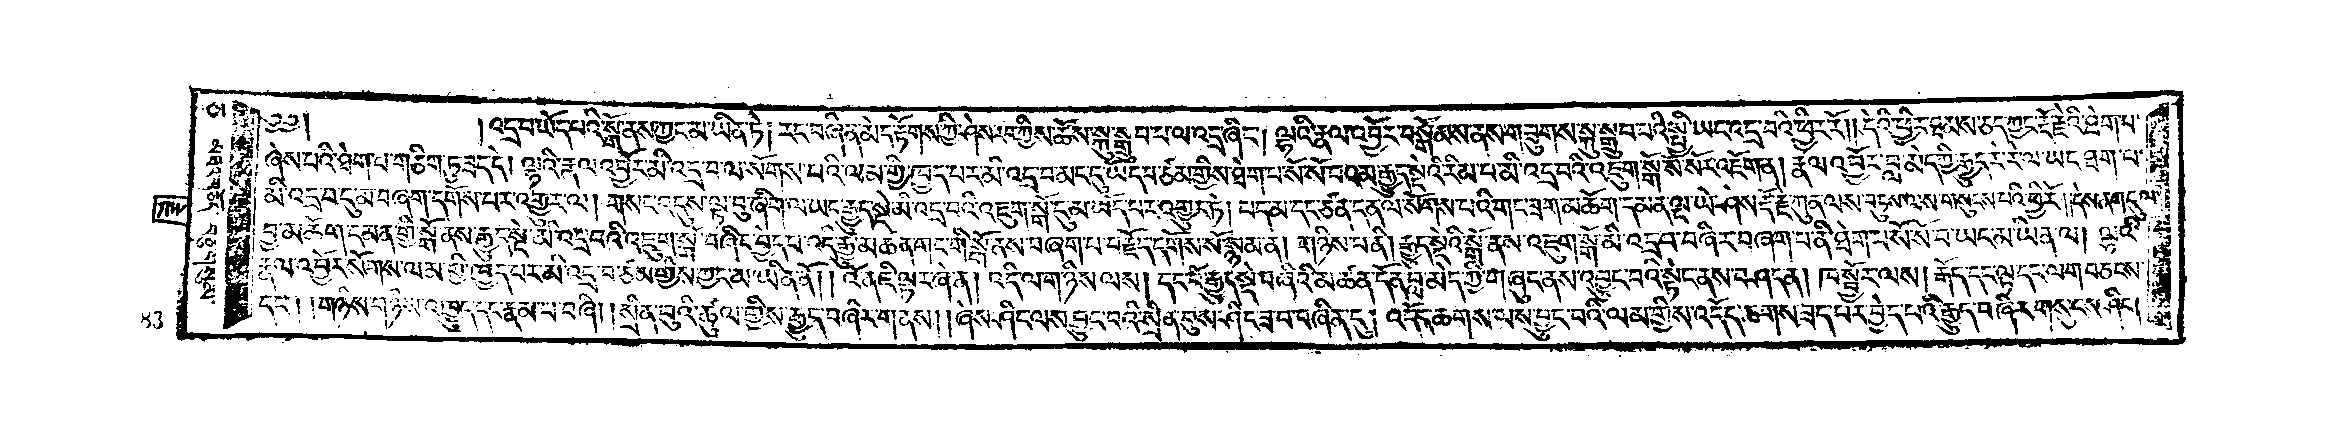༄༅། །འདྲ་བ་ཡོད་པའི་སྒོ་ནས་ཀྱང་མ་ཡིན་ཏེ། རང་བཞིན་མེད་རྟོགས་ཀྱི་ཤེས་རབ་ཀྱིས་ཆོས་སྐུ་སྒྲུབ་པ་ལ་འདྲ་ཞིང་། ལྷའི་རྣལ་འབྱོར་བསྒོམས་ནས་གཟུགས་སྐུ་སྒྲུབ་པའི་སྤྱི་ཡང་འདྲ་བའི་ཕྱིར་རོ། །དེའི་ཕྱིར་ཐམས་ཅད་ཀྱང་རྡོ་རྗེའི་ཐེག་པ་
ཞེས་པའི་ཐེག་པ་གཅིག་ཏུ་ཟད་དེ། ལྷའི་རྣལ་འབྱོར་མི་འདྲ་བ་ལ་སོགས་པའི་ལམ་གྱི་ཁྱད་པར་མི་འདྲ་བ་མང་དུ་ཡོད་པ་ཙམ་གྱིས་ཐེག་པ་སོ་སོ་བའམ་རྒྱུད་སྡེའི་རིམ་པ་མི་འདྲ་བའི་འཇུག་སྒོ་སོ་སོར་འཇོག་ན། རྣལ་འབྱོར་བླ་མེད་ཀྱི་རྒྱུད་རེ་རེ་ལ་ཡང་ཐེག་པ་
མི་འདྲ་བ་དུ་མ་བཞག་དགོས་པར་འགྱུར་ལ། གསང་འདུས་ལྟ་བུ་ཞིག་ལ་ཡང་རྒྱུད་སྡེ་མི་འདྲ་བའི་འཇུག་སྒོ་དུ་མ་ཡོད་པར་འགྱུར་ཏེ། པདམ་དང་ཙན་དན་ལ་སོགས་པའི་གང་ཟག་མཆོག་དམན་ལྔ་ཡེ་ཤེས་རྡོ་རྗེ་ཀུན་ལས་བཏུས་ལས་གསུངས་པའི་ཕྱིར་རོ། །དེས་ན་གདུལ་
བྱ་མཆོག་དམན་གྱི་སྒོ་ནས་རྒྱུད་སྡེ་མི་འདྲ་བའི་འཇུག་སྒོ་བཞིར་བྱེད་པ་འདི་རྒྱུ་མཚན་གང་གི་སྒོ་ནས་བཞག་པ་བརྗོད་དགོས་སོ་སྙམ་ན། གཉིས་པ་ནི། རྒྱུད་སྡེའི་སྒོ་ནས་འཇུག་སྒོ་མི་འདྲ་བ་བཞིར་བཞག་པ་ནི་ཐེག་པ་སོ་སོ་བ་ཡང་མ་ཡིན་ལ། ལྷའི་
རྣལ་འབྱོར་སོགས་ལམ་གྱི་ཁྱད་པར་མི་འདྲ་བ་ཙམ་གྱིས་ཀྱང་མ་ཡིན་ནོ། །འོ་ན་ཇི་ལྟར་ཞེ་ན། འདི་ལ་གཉིས་ལས། དང་པོ་རྒྱུད་སྡེ་བཞིའི་མཚན་དོན་བླ་མེད་ཀྱི་གཞུང་ནས་འབྱུང་བའི་སྟེང་ནས་བཤད་ན། ཁ་སྦྱོར་ལས། རྒོད་དང་ལྟ་དང་ལག་བཅངས་
དང་། །གཉིས་གཉིས་འཁྱུད་དང་རྣམ་པ་བཞི། །སྲིན་བུའི་ཚུལ་གྱིས་རྒྱུད་བཞིར་གནས། །ཞེས་ཤིང་ལས་བྱུང་བའི་སྲིན་བུས་ཤིང་ཟ་བ་བཞིན་དུ། འདོད་ཆགས་ལས་བྱུང་བའི་ལམ་གྱིས་འདོད་ཆགས་ཟད་པར་བྱེད་པའི་རྒྱུད་བཞིར་གསུངས་ཤིང་།